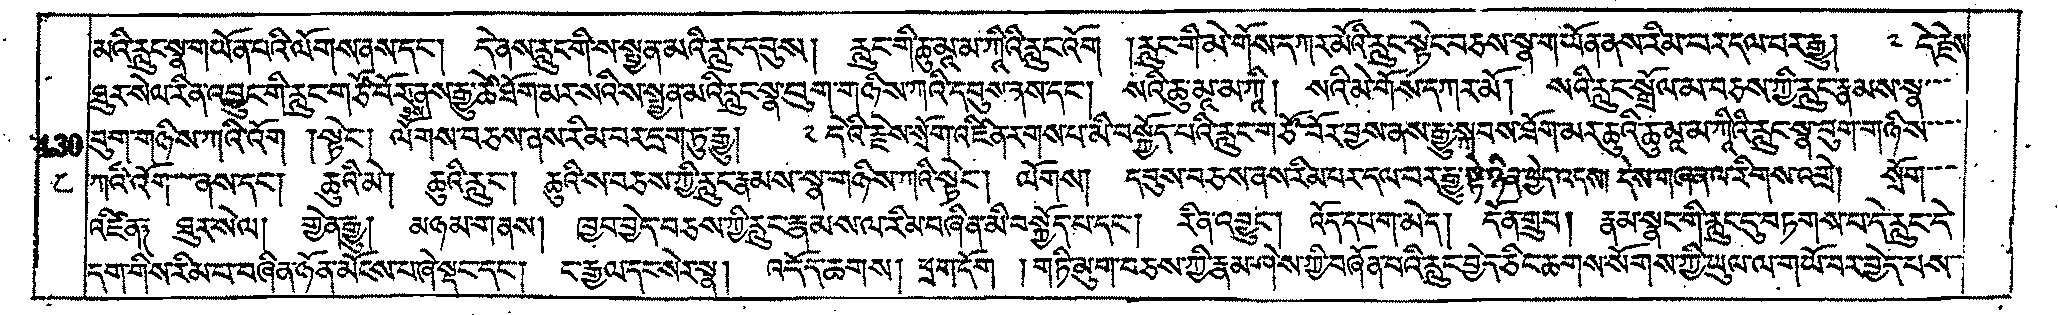མའི་རླུང་སྣ་གཡོན་པའི་ལོགས་ནས་དང་། དེ་ནས་རླུང་གིས་སྤྱན་མའི་རླུང་དབུས། རླུང་གི་ཆུ་མཱ་མ་ཀཱིའི་རླུང་འོག །རླུང་གི་མེ་གོས་དཀར་མོའི་རླུང་སྟེ་སྟེང་བཅས་སྣ་གཡོན་ནས་རིམ་པར་དལ་བར་རྒྱུ། ༧དེ་རྗེས་
ཐུར་སེལ་རིན་འབྱུང་གི་རླུང་གཙོ་བོར་བྱས་ནས་རྒྱ་ཚེ་ཐོག་མར་སའི་ས་སྤྱན་མའི་རླུང་སྣ་བུག་གཉིས་ཀའི་དབུས་ནས་དང་། སའི་ཆུ་མའ་མ་ཀཱི། སའི་མེ་གོས་དཀར་མོ། སའི་རླུང་སྒྲོལ་མ་བཅས་ཀྱི་རླུང་རྣམས་སྣ་་་
བུག་གཉིས་ཀའི་འོག །སྟེང་། ལོགས་བཅས་ནས་རིམ་པར་དྲག་ཏུ་རྒྱུ། ༧དེའི་རྗེས་སྲོག་འཛིན་རགས་པ་མི་བསྐྱོད་པའི་རླུང་གཙོ་བོར་བྱས་ནས་རྒྱུ་སྐབས་ཐོག་མར་ཆུའི་ཆུ་མཱ་མ་ཀཱིའི་རླུང་སྣ་བུག་གཉིས་་་
ཀའི་འོག་་་ནས་དང་། ཆུའི་མེ། ཆུའི་རླུང་། ཆུའི་ས་བཅས་ཀྱི་རླུང་རྣམས་སྣ་གཉིས་ཀའི་སྟེང་། ལོགས། དབུས་བཅས་ནས་རིམ་པར་དལ་བར་རྒྱུ་སྟེ་ཉིན་ཕྱེད་འདས། དེས་གཞན་ལ་རིགས་འགྲེ། སྲོག་་་
འཛིན༑ ཐུར་སེལ། གྱེན་རྒྱུ། མཉན་ནས། ཁྱབ་བྱེད་བཅས་ཀྱི་རླུང་རྣམས་ལ་རིམ་བཞིན་མི་བསྐྱོད་པ་དང་། རིན་འབྱུང་དང་། འོད་དཔག་མེད། དོན་གྲུབ། རྣམ་སྣང་གི་རླུང་དུ་བཏགས་པ་དེ་རླུང་དེ་
དག་གིས་རིམ་པ་བཞིན་ཉོན་མོངས་པ་ཞེ་སྡང་དང་། ང་རྒྱལ་དང་སེར་སྣ། འདོད་ཆགས། ཕྲག་དོག །གཏི་མུག་བཅས་ཀྱི་རྣམ་ཤེས་ཀྱི་བཞོན་པའི་རླུང་བྱེད་ཅིང་ཆགས་སོགས་ཀྱི་ཡུལ་ལ་གཡོ་བར་བྱེད་པས་་་